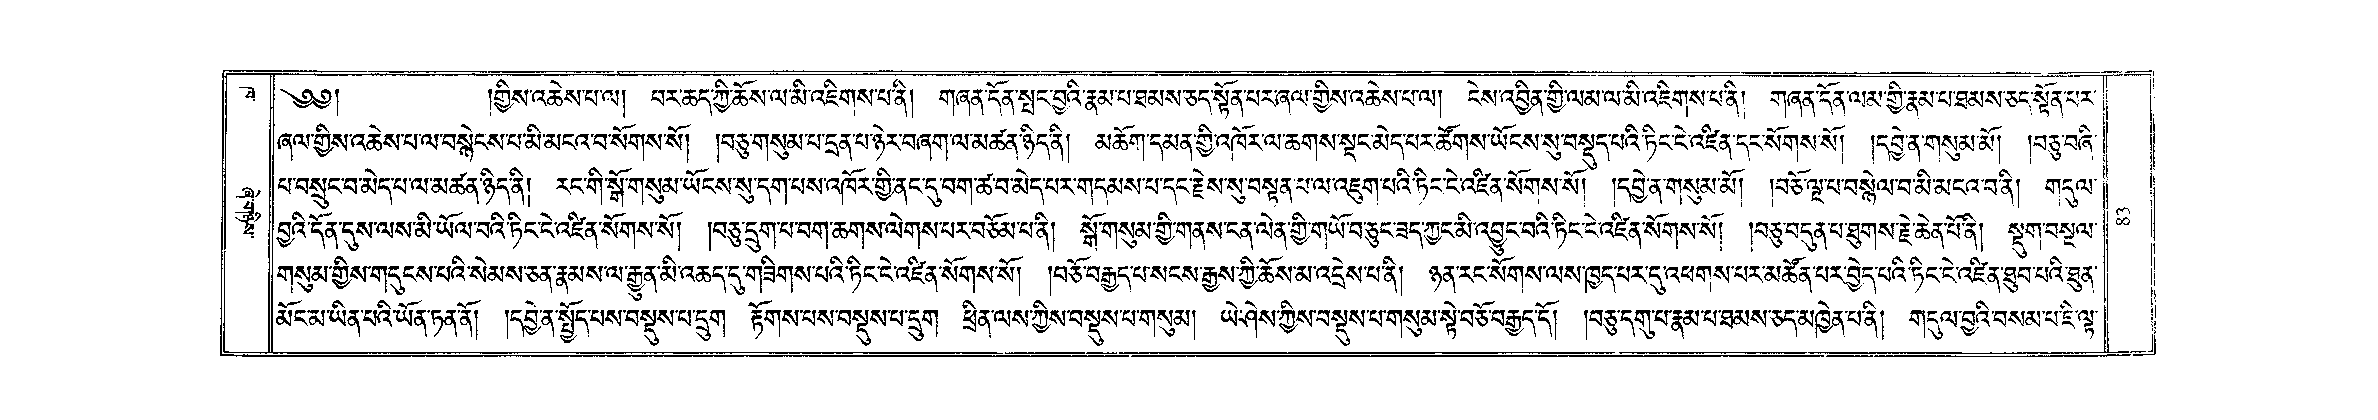༄༅། །གྱིས་འཆེས་པ་ལ། བར་ཆད་ཀྱི་ཆོས་ལ་མི་འཇིགས་པ་ནི། གཞན་དོན་སྤང་བྱའི་རྣམ་པ་ཐམས་ཅད་སྟོན་པར་ཞལ་གྱིས་འཆེས་པ་ལ། ངེས་འབྱིན་གྱི་ལམ་ལ་མི་འཇིགས་པ་ནི། གཞན་དོན་ལམ་གྱི་རྣམ་པ་ཐམས་ཅད་སྟོན་པར་
ཞལ་གྱིས་འཆེས་པ་ལ་བསྙེངས་པ་མི་མངའ་བ་སོགས་སོ། །བཅུ་གསུམ་པ་དྲན་པ་ཉེར་བཞག་ལ་མཚན་ཉིད་ནི། མཆོག་དམན་གྱི་འཁོར་ལ་ཆགས་སྡང་མེད་པར་ཚོགས་ཡོངས་སུ་བསྡུད་པའི་ཏིང་ངེ་འཛིན་དང་སོགས་སོ། །དབྱེ་ན་གསུམ་མོ། །བཅུ་བཞི་
པ་བསྲུང་བ་མེད་པ་ལ་མཚན་ཉིད་ནི། རང་གི་སྒོ་གསུམ་ཡོངས་སུ་དག་པས་འཁོར་གྱི་ནང་དུ་བག་ཚ་བ་མེད་པར་གདམས་པ་དང་རྗེས་སུ་བསྟན་པ་ལ་འཇུག་པའི་ཏིང་ངེ་འཛིན་སོགས་སོ། །དབྱེ་ན་གསུམ་མོ། །བཅོ་ལྔ་པ་བསྙེལ་བ་མི་མངའ་བ་ནི། གདུལ་
བྱའི་དོན་དུས་ལས་མི་ཡོལ་བའི་ཏིང་ངེ་འཛིན་སོགས་སོ། །བཅུ་དྲུག་པ་བག་ཆགས་ལེགས་པར་བཅོམ་པ་ནི། སྒོ་གསུམ་གྱི་གནས་ངན་ལེན་གྱི་གཡོ་བ་ཅུང་ཟད་ཀྱང་མི་འབྱུང་བའི་ཏིང་ངེ་འཛིན་སོགས་སོ། །བཅུ་བདུན་པ་ཐུགས་རྗེ་ཆེན་པོ་ནི། སྡུག་བསྔལ་
གསུམ་གྱིས་གདུངས་པའི་སེམས་ཅན་རྣམས་ལ་རྒྱུན་མི་འཆད་དུ་གཟིགས་པའི་ཏིང་ངེ་འཛིན་སོགས་སོ། །བཅོ་བརྒྱད་པ་སངས་རྒྱས་ཀྱི་ཆོས་མ་འདྲེས་པ་ནི། ཉན་རང་སོགས་ལས་ཁྱད་པར་དུ་འཕགས་པར་མཚོན་པར་བྱེད་པའི་ཏིང་ངེ་འཛིན་ཐུབ་པའི་ཐུན་
མོང་མ་ཡིན་པའི་ཡོན་ཏན་ནོ། །དབྱེ་ན་སྤྱོད་པས་བསྡུས་པ་དྲུག་རྟོགས་པས་བསྡུས་པ་དྲུག་ཕྲིན་ལས་ཀྱིས་བསྡུས་པ་གསུམ། ཡེ་ཤེས་ཀྱིས་བསྡུས་པ་གསུམ་སྟེ་བཅོ་བརྒྱད་དོ། །བཅུ་དགུ་པ་རྣམ་པ་ཐམས་ཅད་མཁྱེན་པ་ནི། གདུལ་བྱའི་བསམ་པ་ཇི་ལྟ་